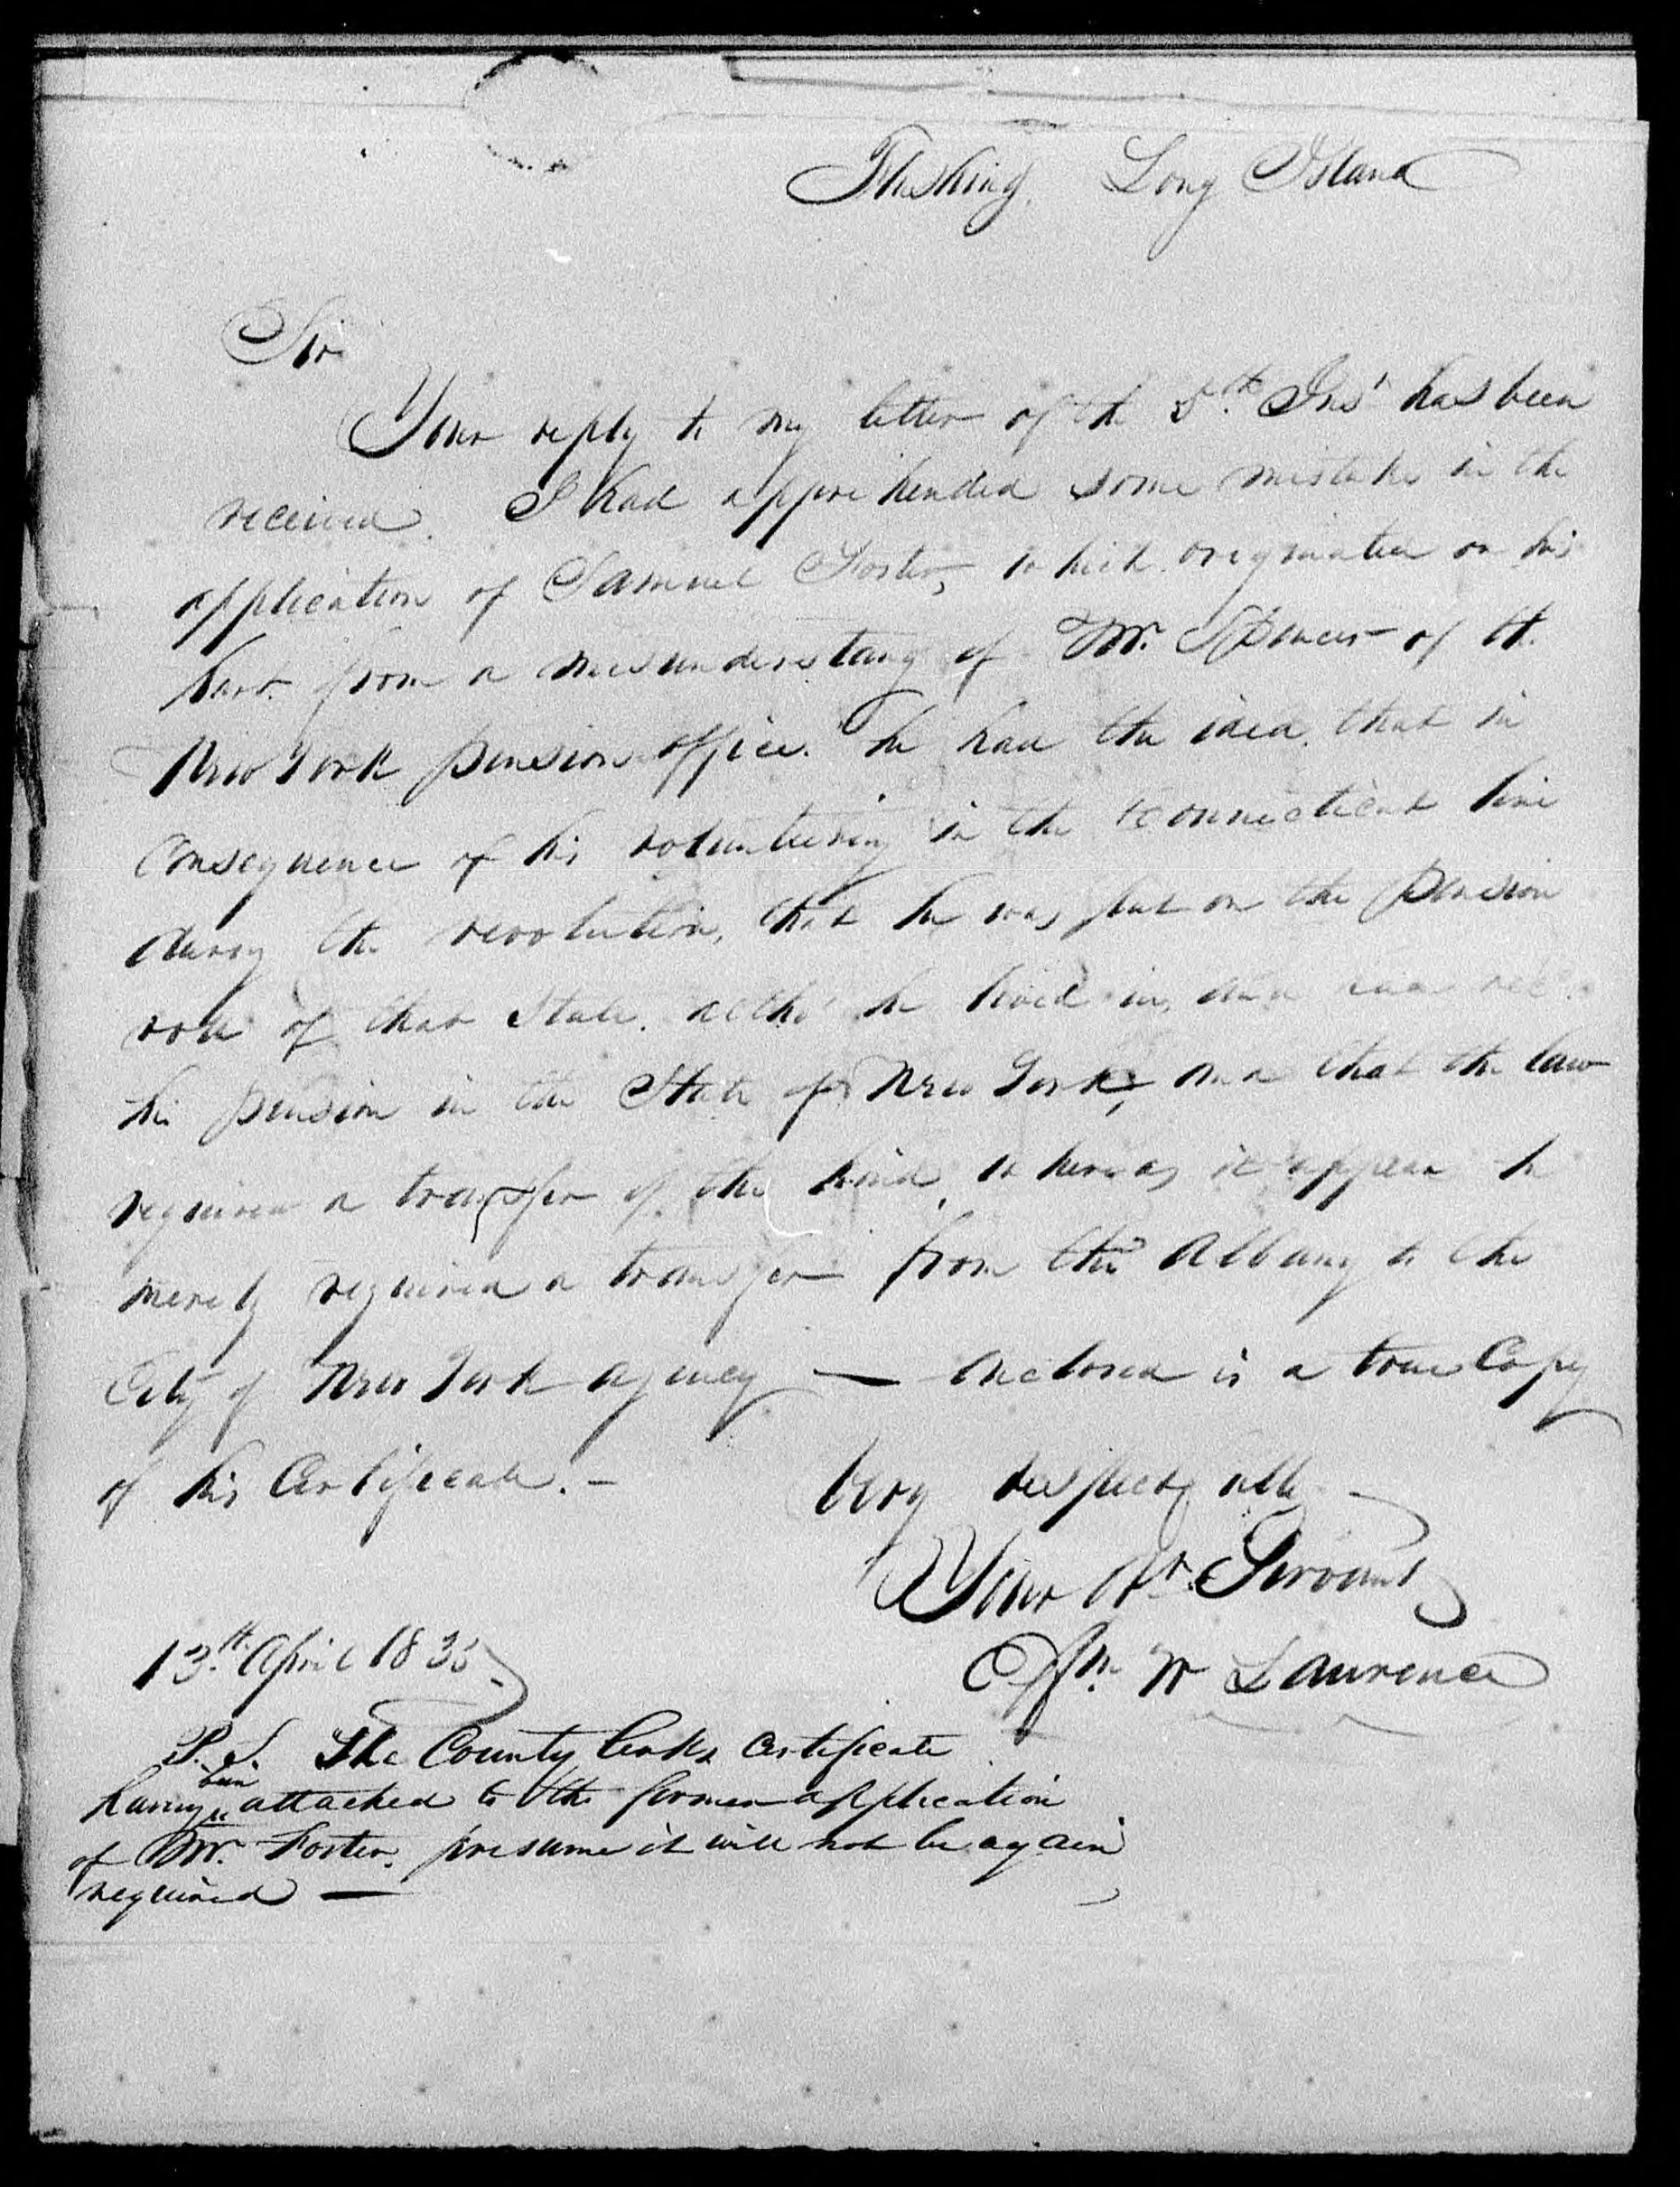Flushing, Long Island
Sir
Your reply to my letter of the 5th Ins' has been received. I had apprehended some mistake in the application of Samuel Foster which origination on his [illegible] from a misunderstanding of Mr. Spencer of the New York pension office. he had the idea that in consequence of his volunteering in the Connecticut line during the revolution, that he was put on the pension roll of that State. although he lived in and [illegible] his pension in the State of New York and that the law requires a transfer of the [illegible] or [illegible] it appear he merely required a transfer from the Albany to the City of New York agency - enclosed is a true copy of his Certificate. -
Very [illegible]
Your [illegible] Servant
Hon. W Lawrence
13th April 1835
P.S. The County [illegible] certificate having been attached to the former application of [illegible] Foster presume it will not be again required -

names: Foster, Wm W Lawrence, Spencer, Samuel Foster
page: 19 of 54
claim: survivor's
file: S. 13,043, Samuel Foster, Conn.